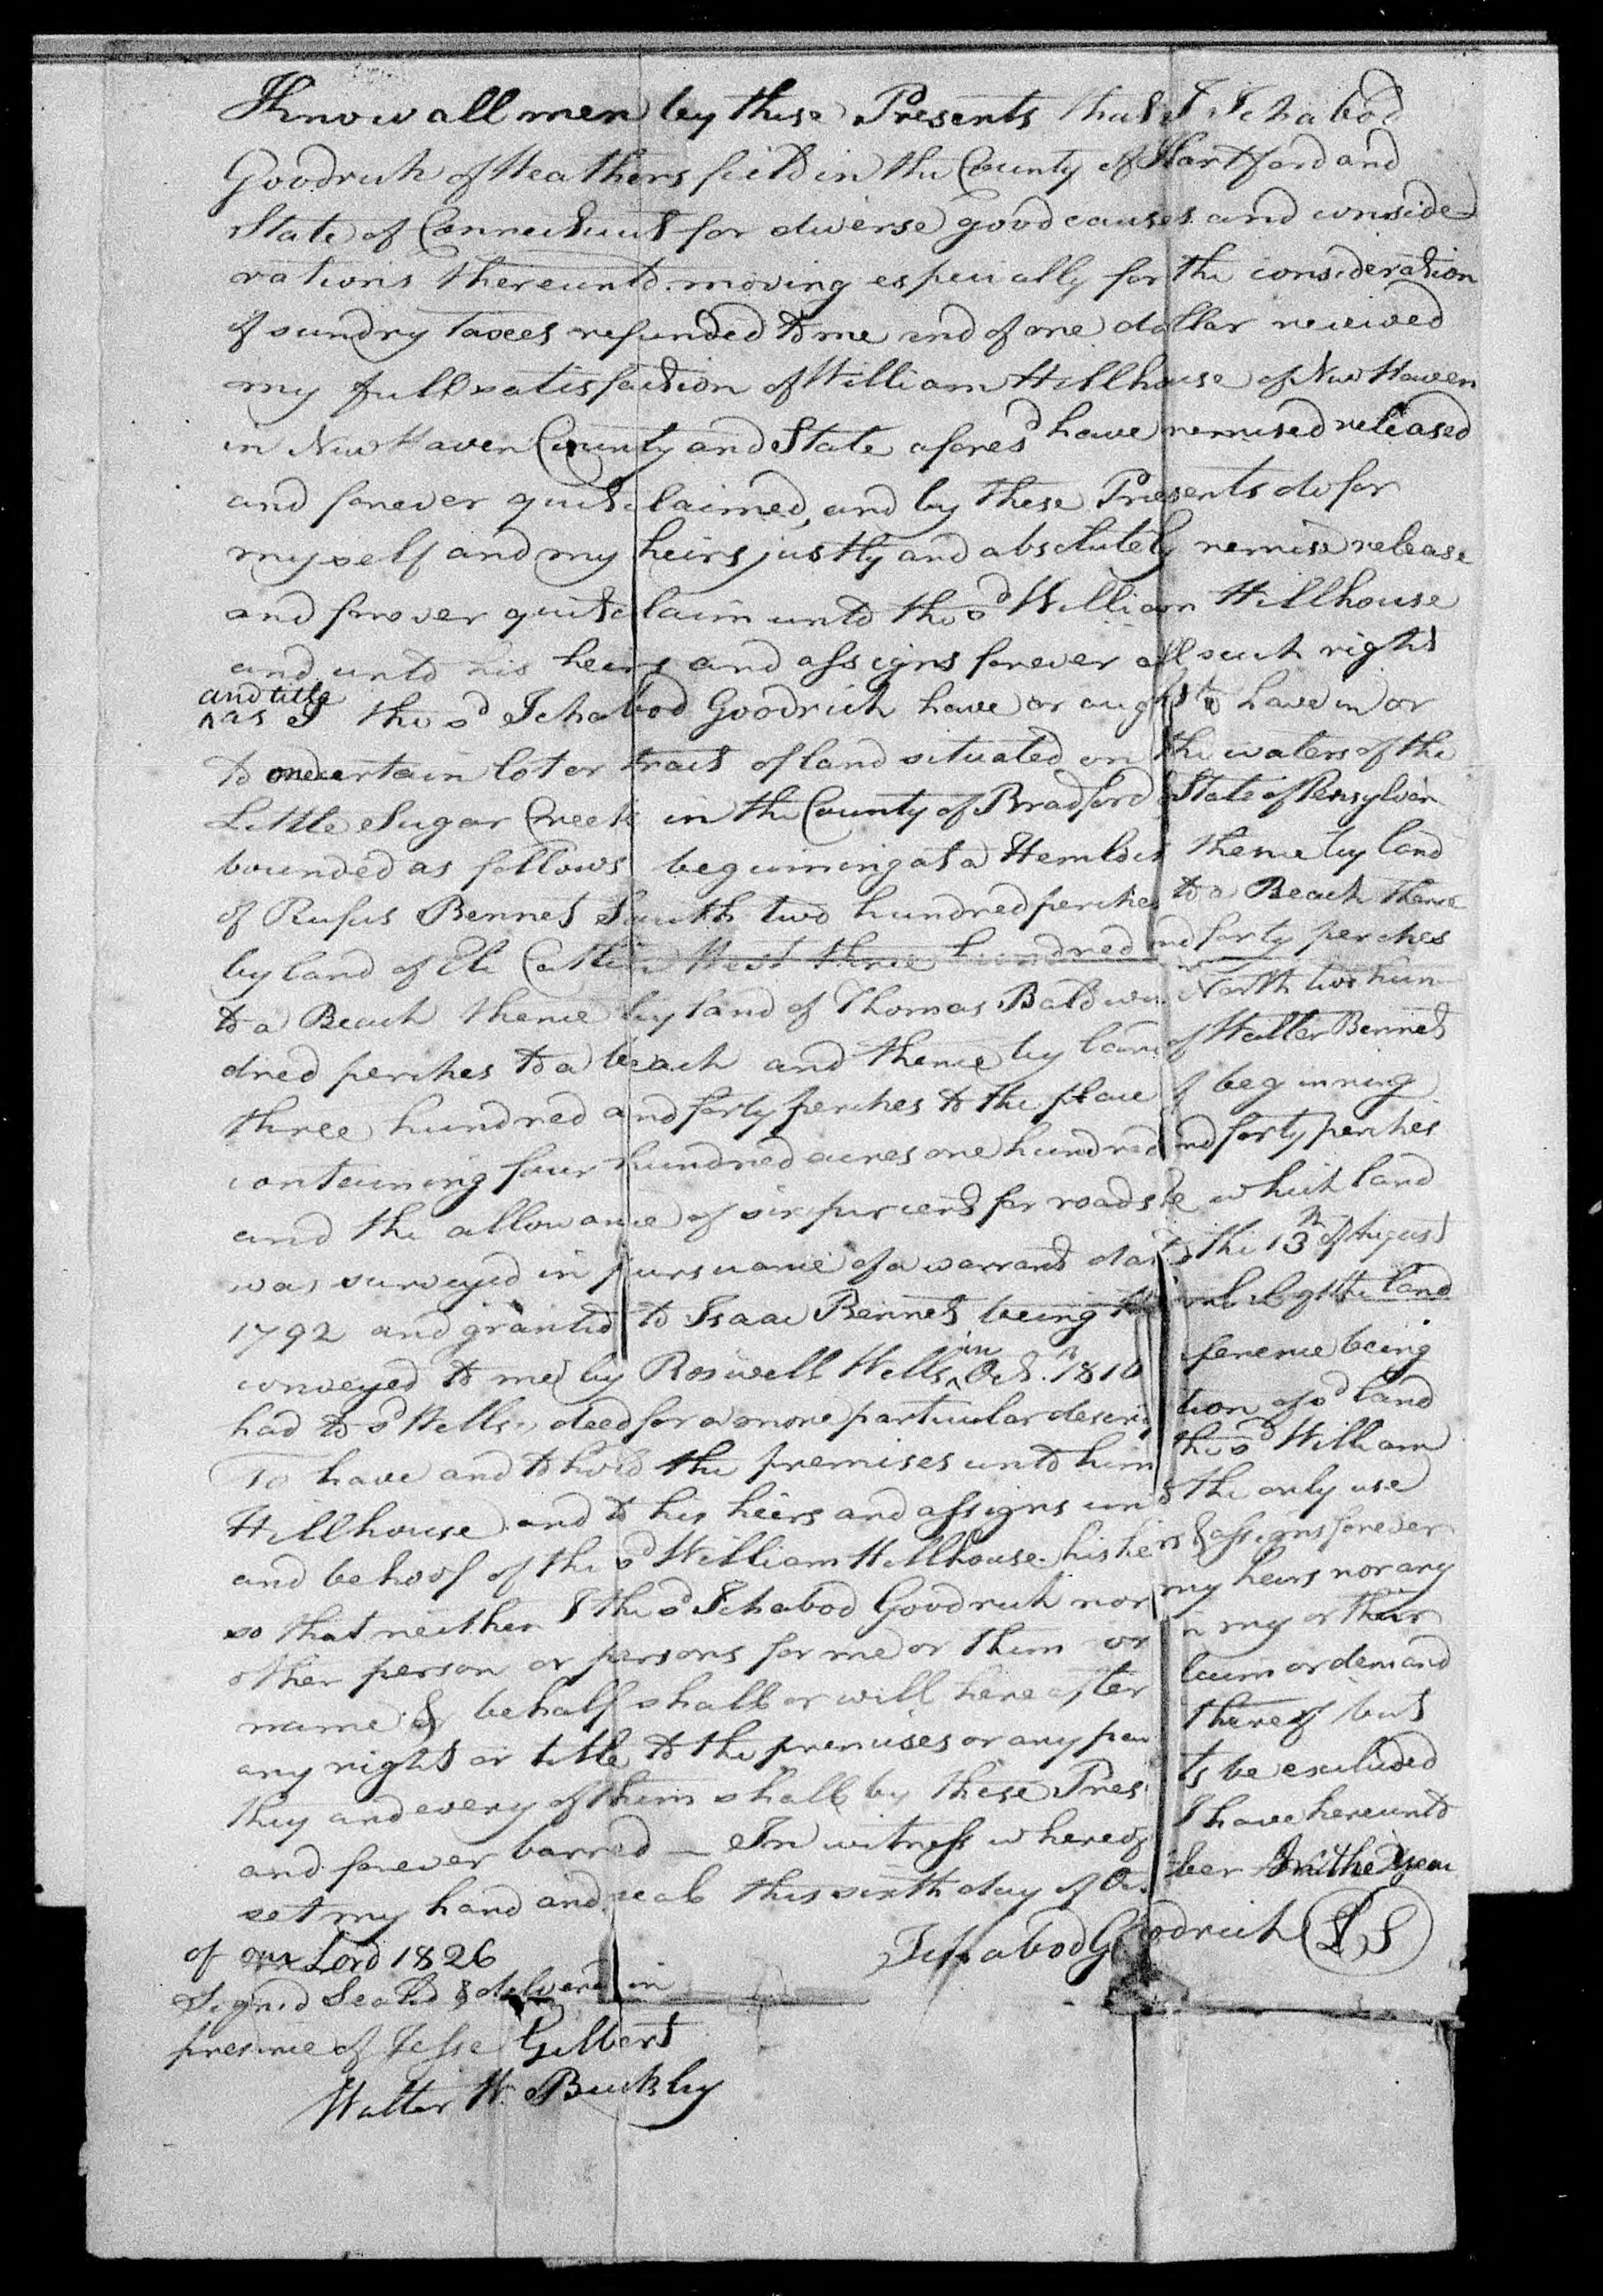Know all men by these Presents that I Ichabod Goodrich of Weathersfield in the County of Hartford and State of Connecticut for diverse good causes and considerations thereunto moving especially for the consideration of sundry taxes refunded to me and of one other received my full satisfaction of William Hillhouse of New Haven in New Haven County and State aforesaid have remise released and forever quit claimed, and by these Presents do for myself and my heirs, justly and absolutely remise release and forever quit claim unto the said William Hillhouse and unto his heirs and assigns forever all such rights and title as I the said Ichabod Goodrich have or ought to have in or to certain lot or tract of land situated on the waters of the Little Sugar Creek in the County of Bradford State of Pennsylvania bounded as follows:

beginning at a Hemlses [illegible] land of Rufus Bennet south two hundred perches to a Beach hence by land of Eli Catlin West three hundred and forty perches to a Beach thence by land of Thomas Baldwin north five hundred perches to a beach and thence by land of Walter Bennet three hundred and forty perches to the place of beginning, continuing four hundred acres one hundred and forty perches and the allowance of six percent for roads.

Which land was surveyed in pursuance of a warrant dated the 13th of August 1792 and granted to Isaac Bennet being [illegible] the land conveyed to me by Roswell Wells in Oct 1810. Service being had to said Wells, deed for a more particular description of said land to have and to hold the premises unto him the said William Hillhouse and to his heirs and assigns on the only use and behalf of the said William Hillhouse his heirs and assigns forever so that neither I the said Ichabod Goodrich nor my heirs, nor any other person or persons for me or them or in my or their names & behalf shall or will hereafter claim or demand any right or title to the premises or any thereof but they and every of them shall be by these Presents be excluded and forever barred.

In writing whereof I have hereunto set my hand and seal this sixth day of October in the Year of our Lord 1826.
Ichabod Goodrich Ss

Signed and Sealed & dated in presence of Jesse Gilbert
Walter W. Buckley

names: Ichabod Goodrich, Thomas Baldwin, William Hillhouse, Rufus Bennet, William Hillhouse, Ichabod Goodrich, William Hillhouse, Wells, Walter W Buckley, Isaac Bennet, Walter Bennet, Ichabod Goodrich, Jesse Gilbert, Ichabod Goodrich, William Hillhouse, Eli Catlin, Roswell Wells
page: 45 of 46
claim: survivor's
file: S. 36,556, Ichabod Goodrich, Conn.